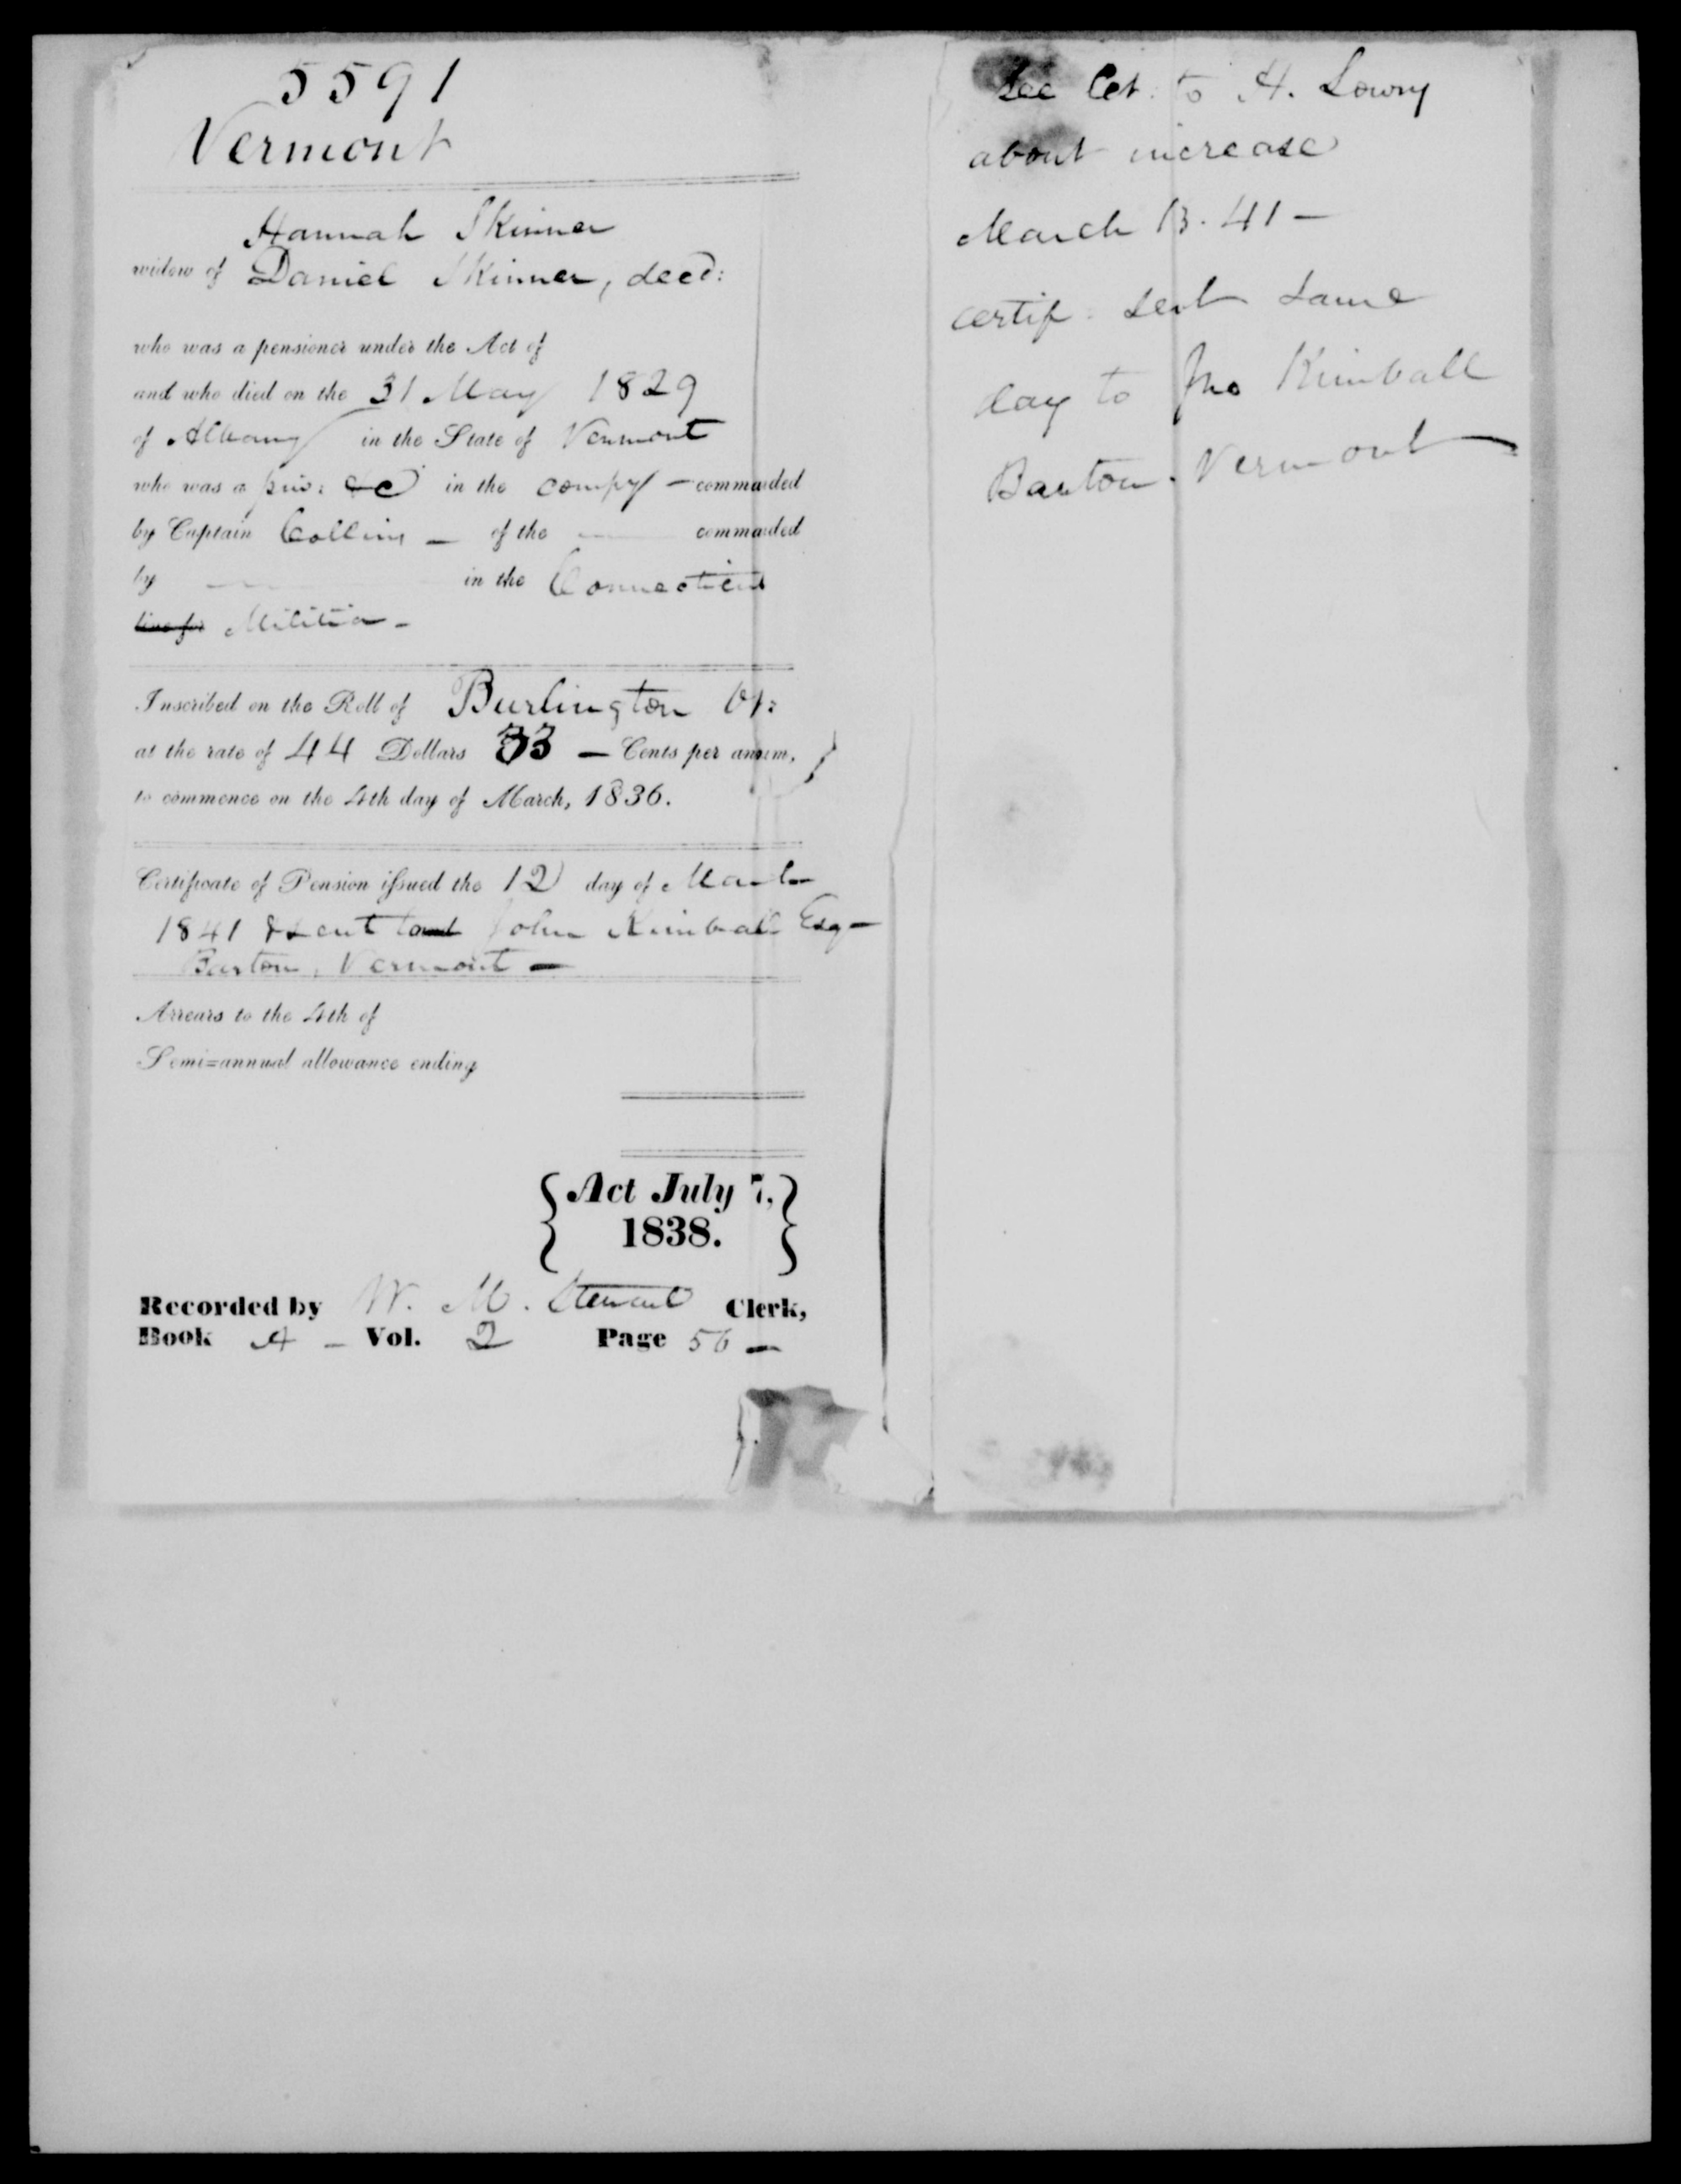(left side)
5591
Vermont

Hannah Skinner
widow of Daniel Skinner, decd
who was a pensioner under the Act of
and who died on the 31 May 1829
of Albany in the State of Vermont
who was a priv. &c in the compy commanded
by Captain Collins of the (blank) commanded
by (blank) in the Connecticut
Militia.

Inscribed on the Roll of Burlington Vt.
at the rate of 44 Dollars 33 - Cents per Annum.
to commence on the 4th day of March, 1836.

Certificate of Pension issued the 12 day of March
1841 & sent and John Kimball Esq
Barton, Vermont-

Arrears to the 4th of
Semiannual allowance ending

Act July 7,
1838.
Recorded by
W.M. Stewart, Clerk
Book A Vol. 2 Page 56

(right page)
Sec. Cet. to H. Lowry
about increase
March 13.41-
certif. sent same
day to Jno Kimball
Barton, Vermont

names: Jno Kimball; H Lowry; John Kimball; W M Stewart; [BLANK] Collins; Daniel Skinner; Hannah Skinner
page: 18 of 46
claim: widow's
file: W. 24976, for Daniel Skinner, New Hampshire